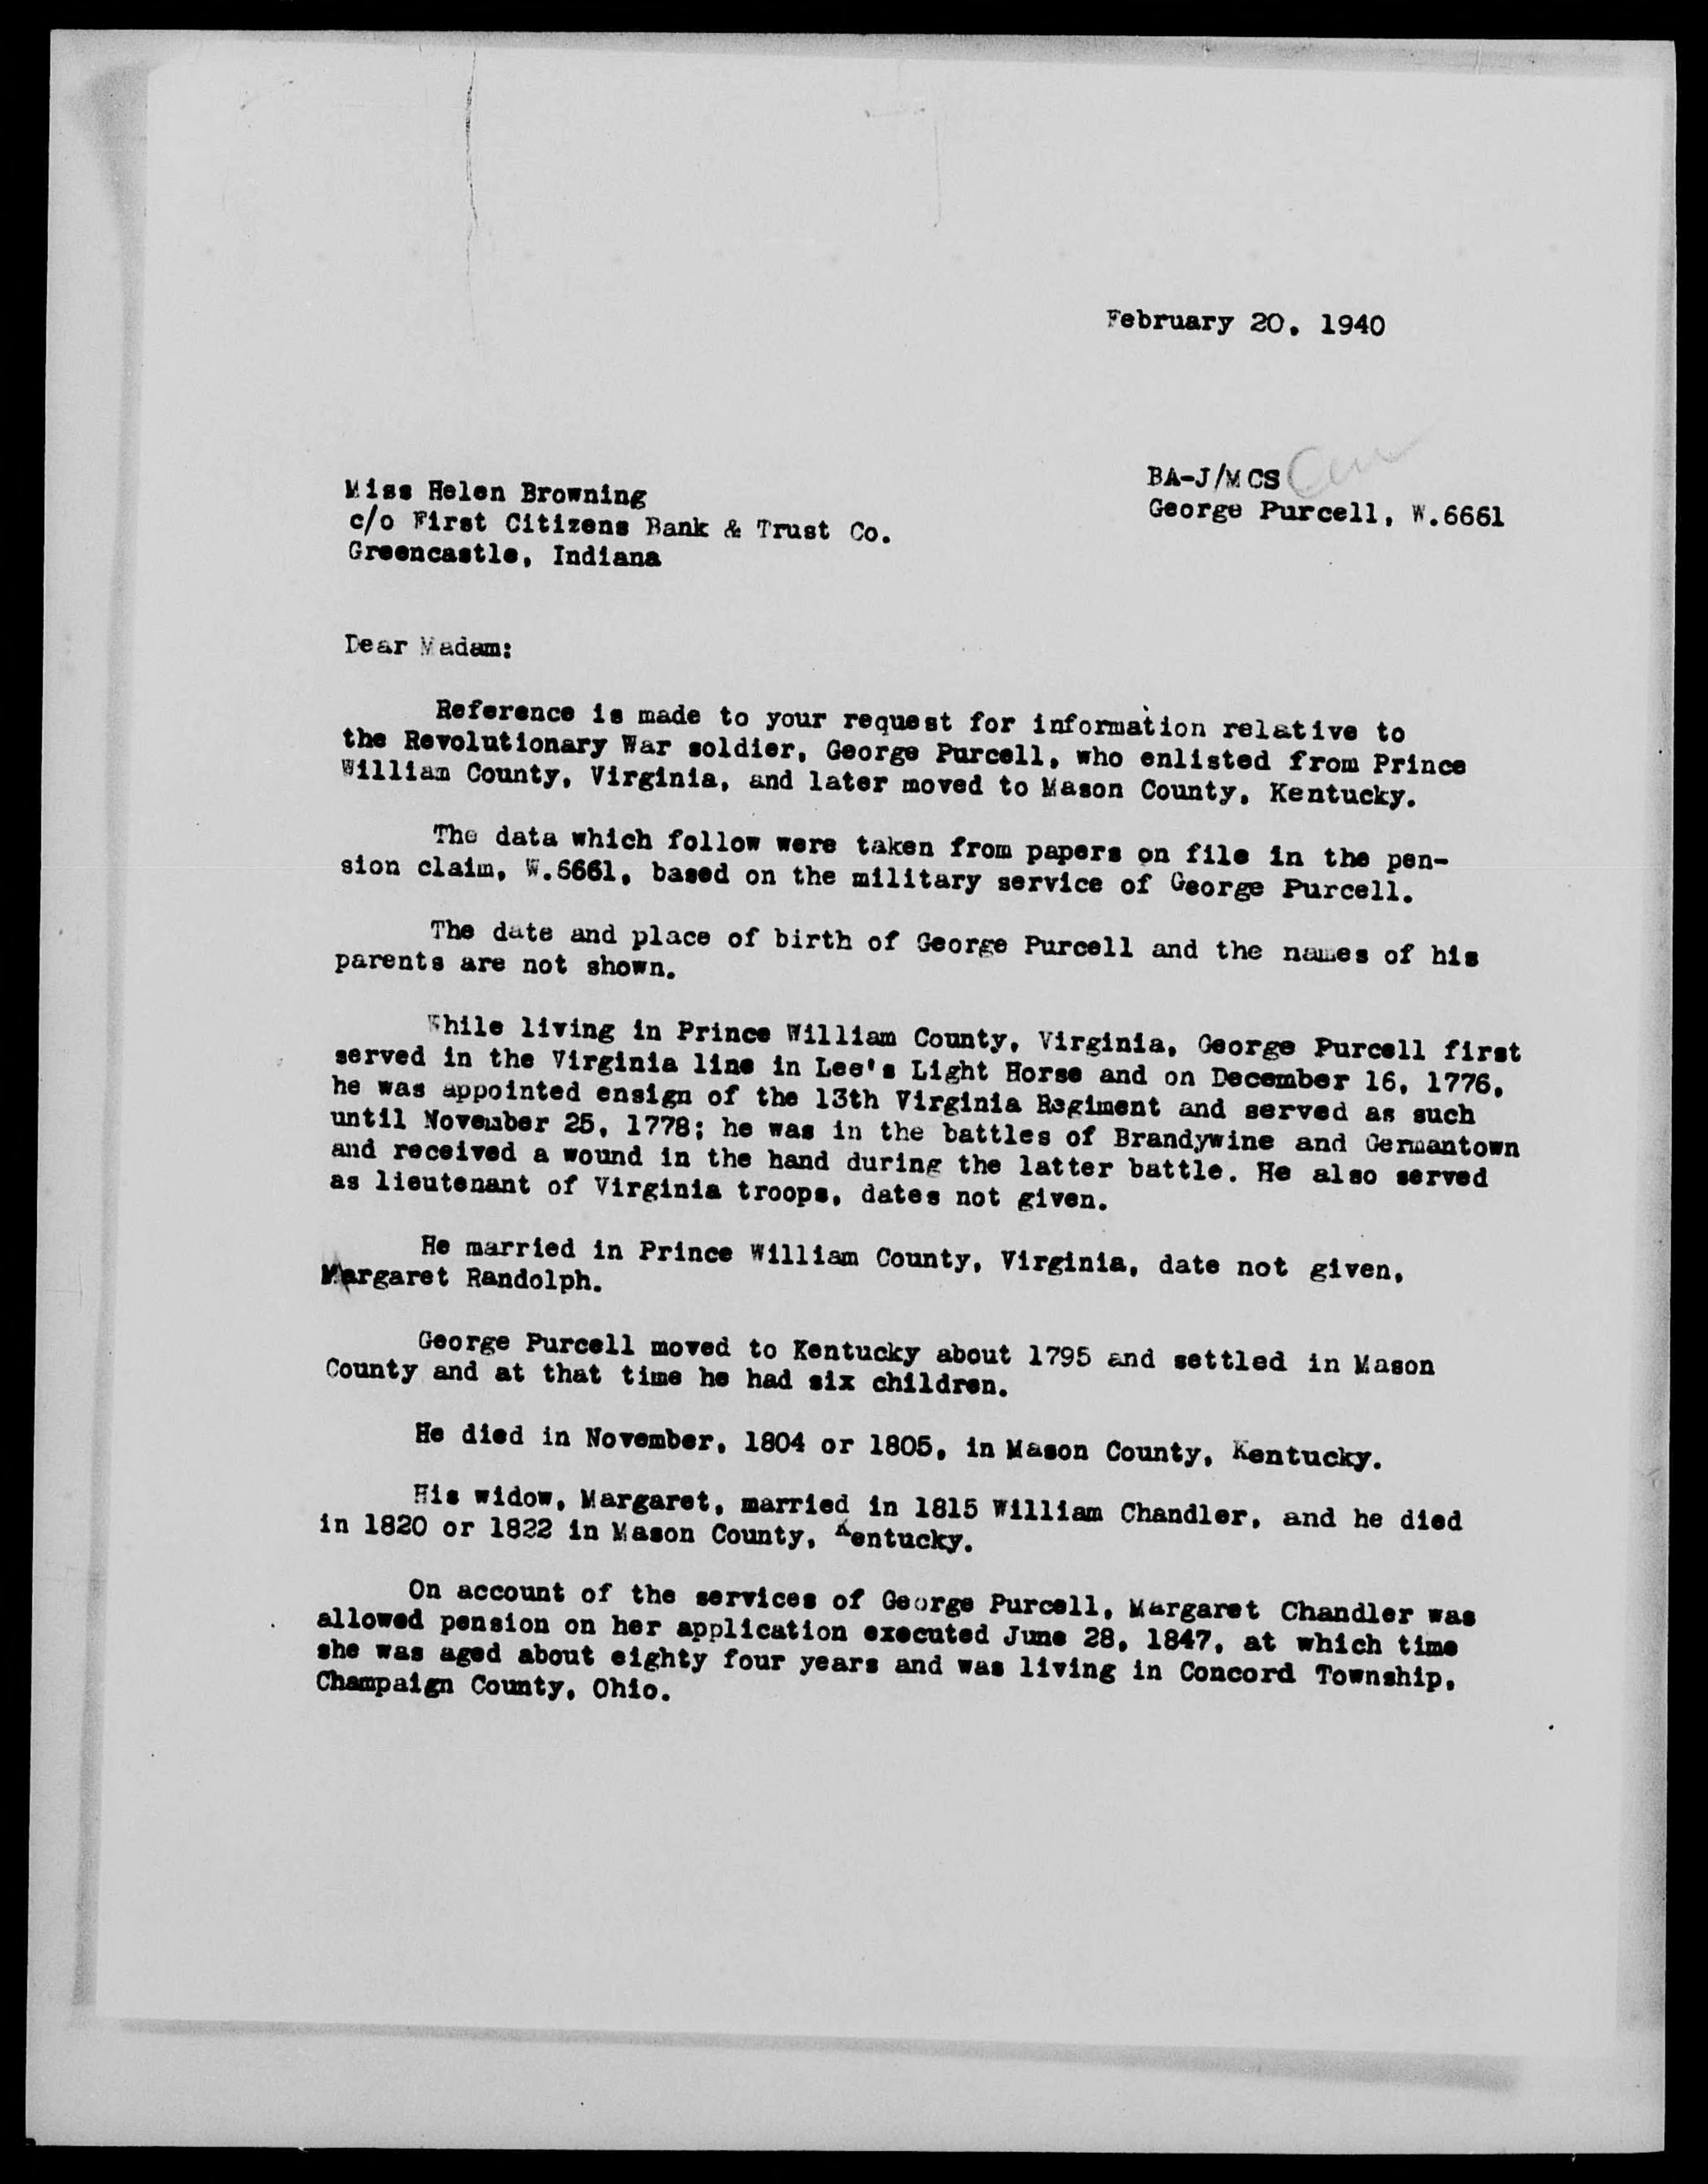February 20, 1940
Miss Helen Browning First Citizens Bank & Trust Co. Greencastle, Indiana
BA-J/MCS George Purcell, W.6661
Dear Madam:
Reference is made to your request for information relative to the Revolutionary War soldier, George Purcell, who enlisted from Prince William County, Virginia, and later moved to Mason County, Kentucky.
The data which follow were taken from papers on file in the pension claim, W.6661, based on the military service of George Purcell.
The date and place of birth of George Purcell and the names of his parents are not shown.
While living in Prince William County, Virginia, George Purcell first served in the Virginia line in Lee's Light Horse and on December 16, 1776, he was appointed ensign of the 13th Virginia Regiment and served as such until November 25, 1778; he was in the battles of Brandywine and Germantown and received a wound in the hand during the latter battle. He also served as lieutenant of Virginia troops, dates not given.
He married in Prince William County, Virginia, date not given, Margaret Randolph.
George Purcell moved to Kentucky about 1795, and settled in Mason County and at that time he had six children.
He died in November, 1804 or 1805 in Mason County, Kentucky.
His widow, Margaret, married in 1815 William Chandler, and he died in 1820 or 1822 in Mason County, Kentucky,
On account of the services of George Purcell, Margaret Chandler was allowed pension on her application executed June 28, 1847, at which time she was aged about eighty four years and was living in Concord Township, Champaign County, Ohio.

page: 18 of 86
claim: widow's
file: W. 6661, for George Purcell, Virginia